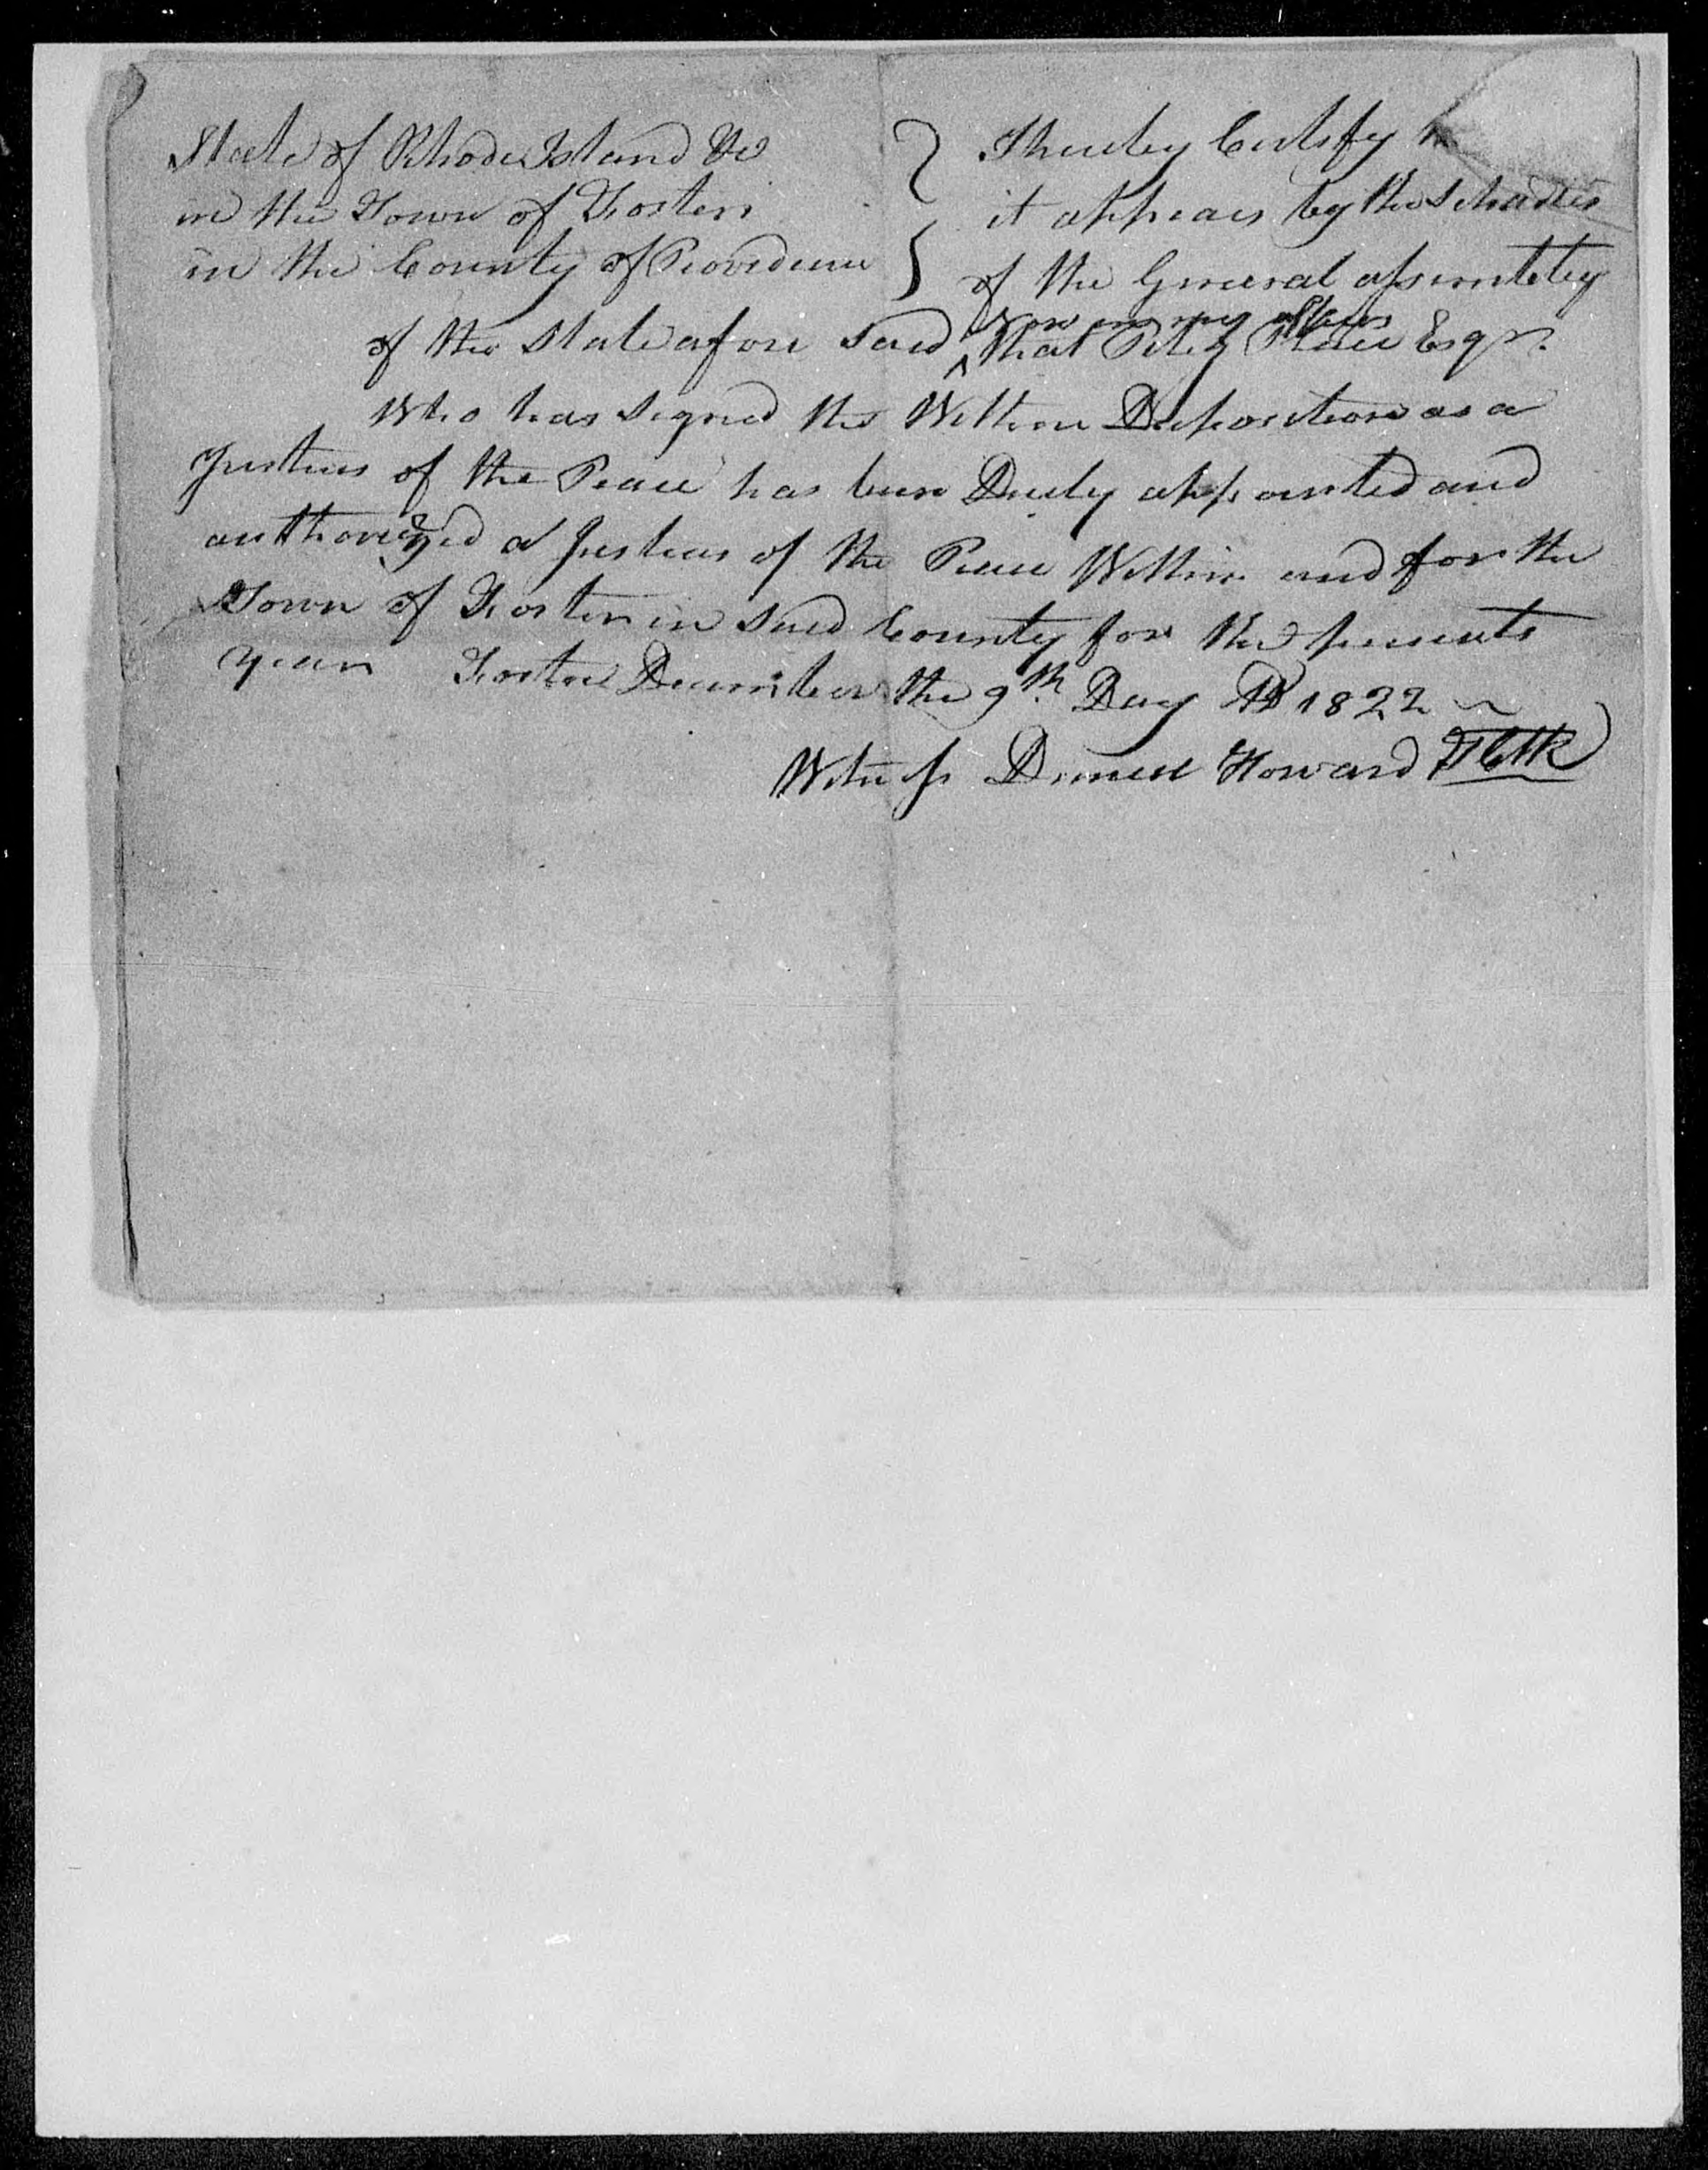State of Rhode Island in the town of Foster in the County of Providence ss.

I hereby certify it appears by the ? of the General Assembly of the State aforesaid now in my ? that Peleg Place Esq., who has signed the within declarations as a Justice of the Peace has been duly appointed and authorized as Justice of the Peace within and for the town of Foster in said County for the present year -

Foster, December the 9th Day A.D. 1822 -
Witness Daniel Howard G. Clk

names: Peleg Place, Daniel Howard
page: 18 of 61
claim: survivor's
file: S. 22798, Paul Griffiths, R.I.